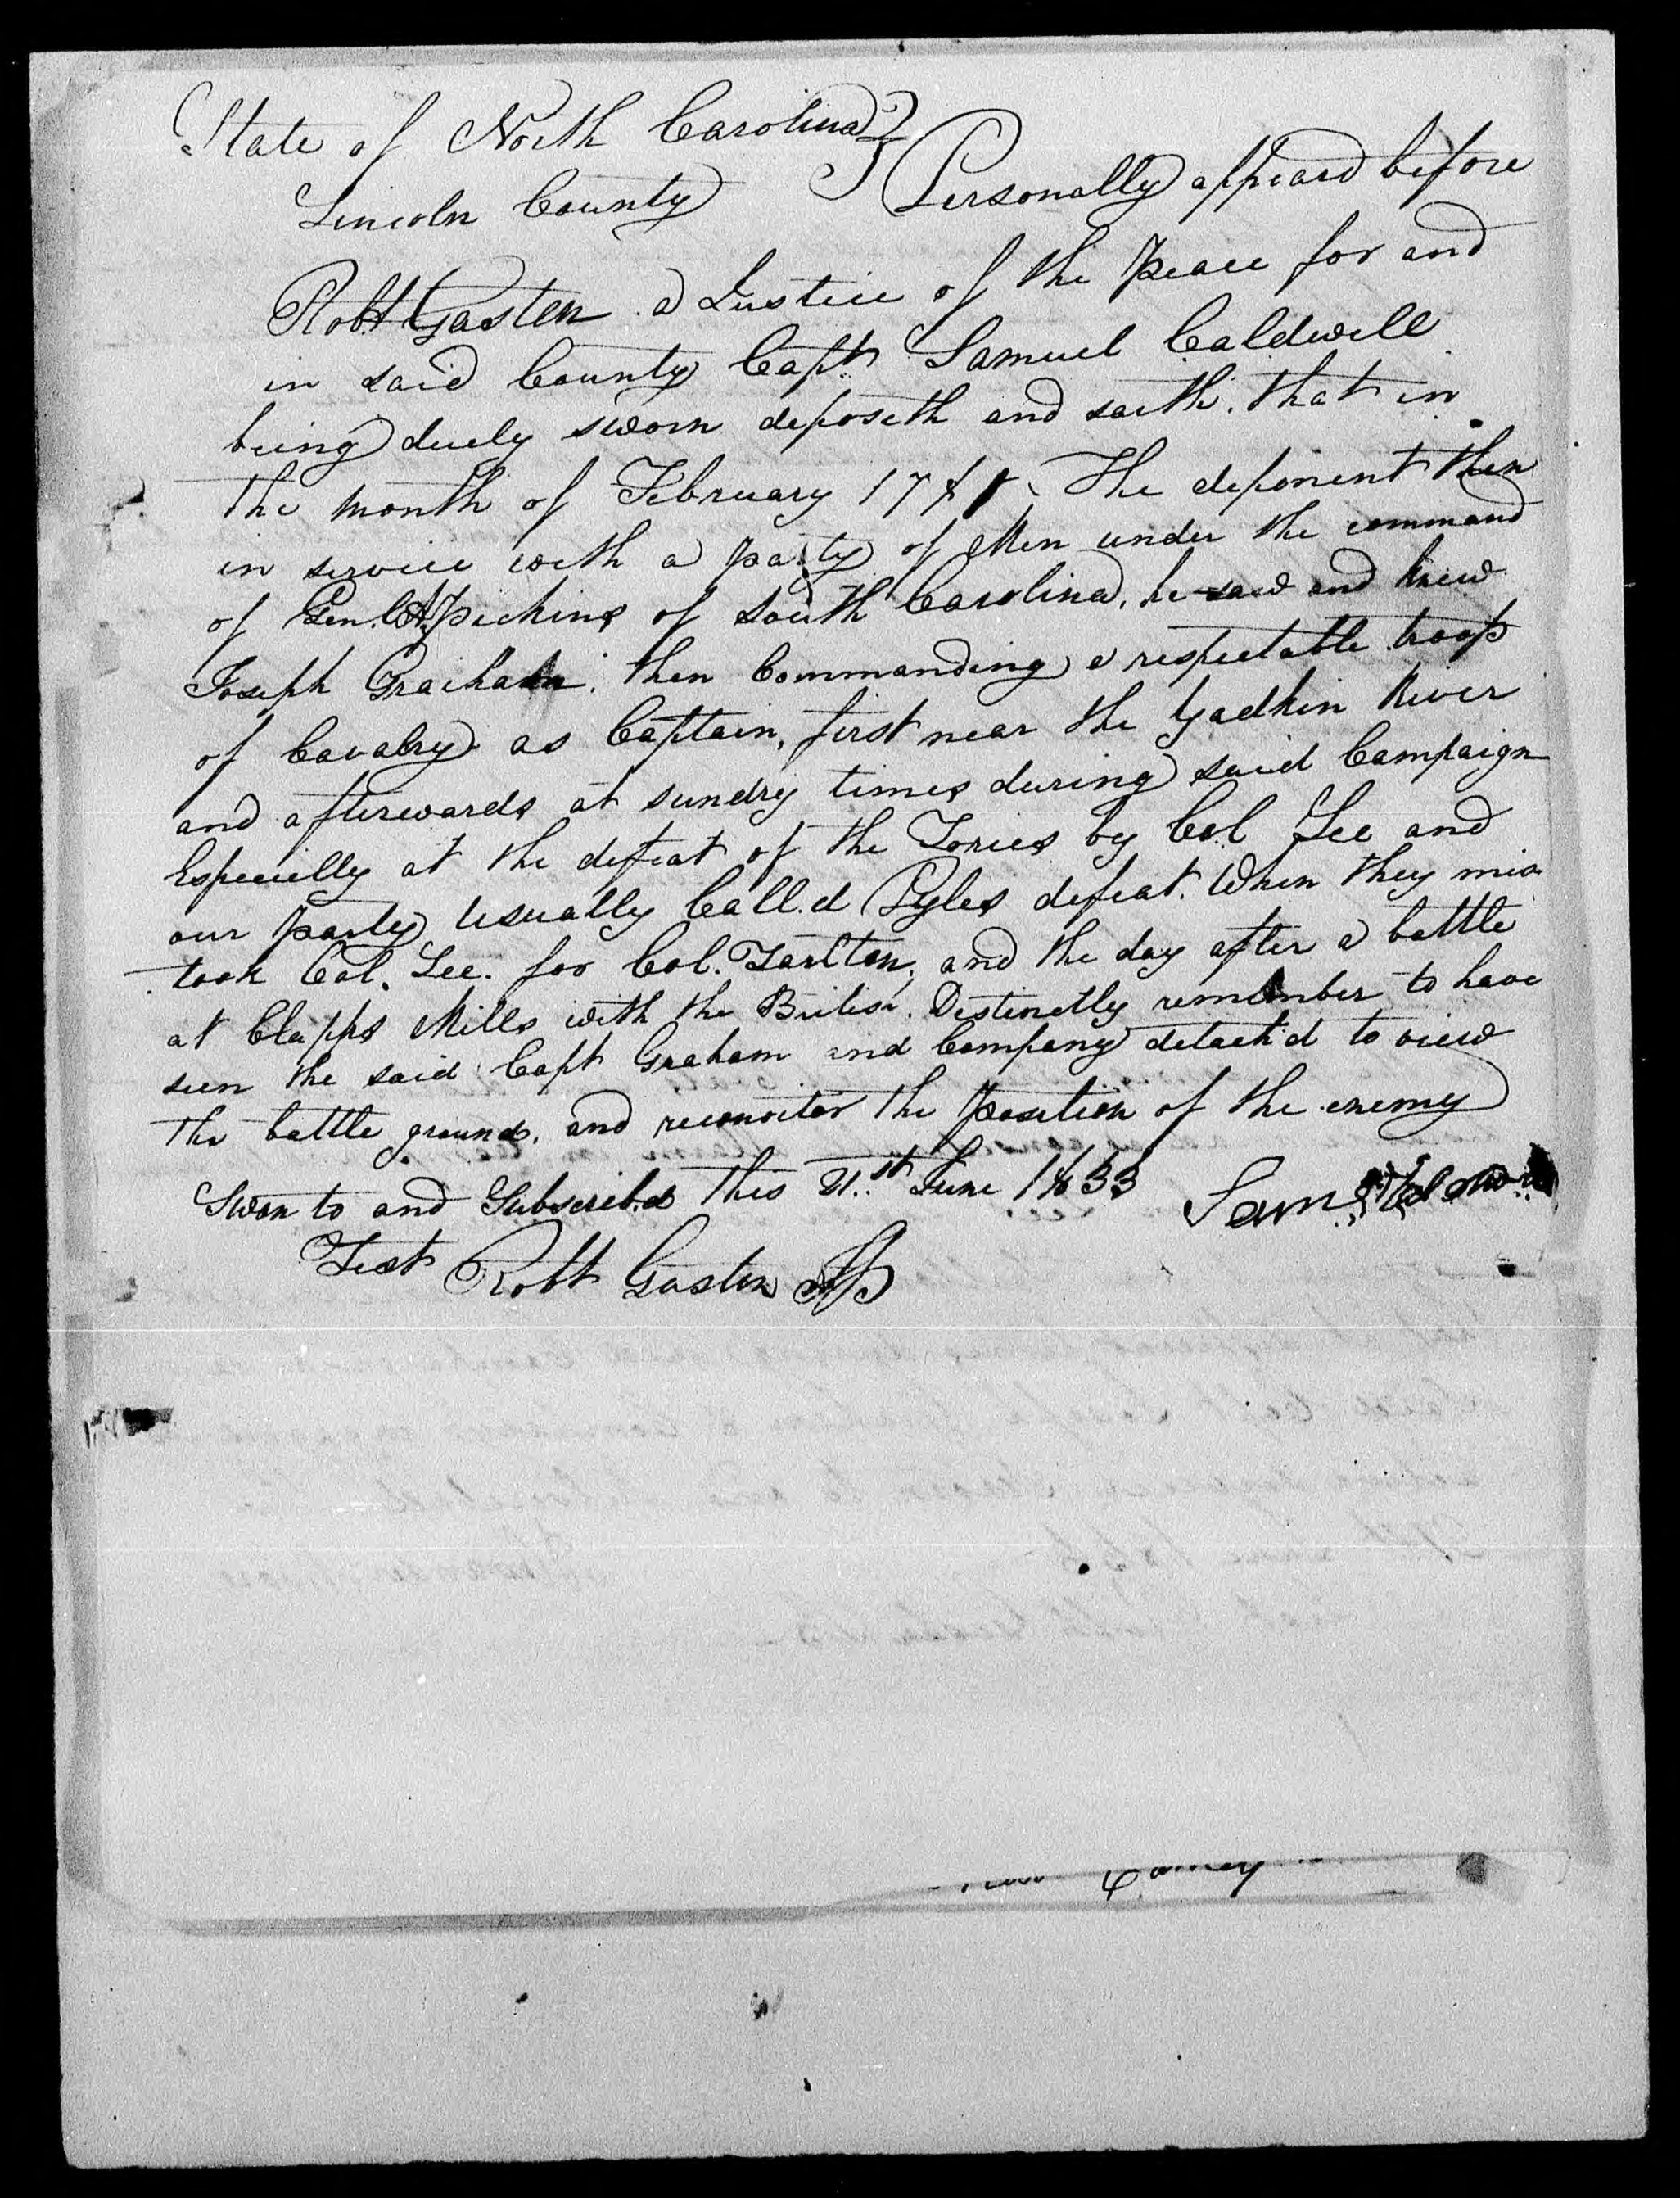State of North Carolina}
Lincoln County} Personally appeared before Robt. Gasten a Justiceof the peace for and in said County Capt. Samuel Caldwell being duly sworn deposeth and saith that in the month of February 1781 the deponent then in service with a party of men under the commande of Gen'l A. Pickins of South Carolina he said and knew Joseph Graham: then commanding a respectable troop of Cavalry as Captain first near the Yadkin River and afterwards at sundry times during said Campaign especially at the defeat of the Tories by Col. Lee adn our party usually called Pyles defeat. When they mistook Col. Lee for Col. Tarlton and the day after a battle of Claps hills with the British Distinctly remembers to have seen the said Capt. Graham and Company detached toward the battle grounds and remembers the position of the enemy
Sam'l. Caldwell
[Signature]
Sworn to and subscribed this 21st June 1833
Test Robt Gastin J. P.
[Signature]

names: Lee, Joseph Graiham, A Pickins, Samuel Caldwell, Robt Gasten, Graham, Saml Caldwell, Robt Gasten, Lyles, Lee, Tarlton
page: 49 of 55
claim: survivor's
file: S. 6,937, Joseph Graham, N.C.